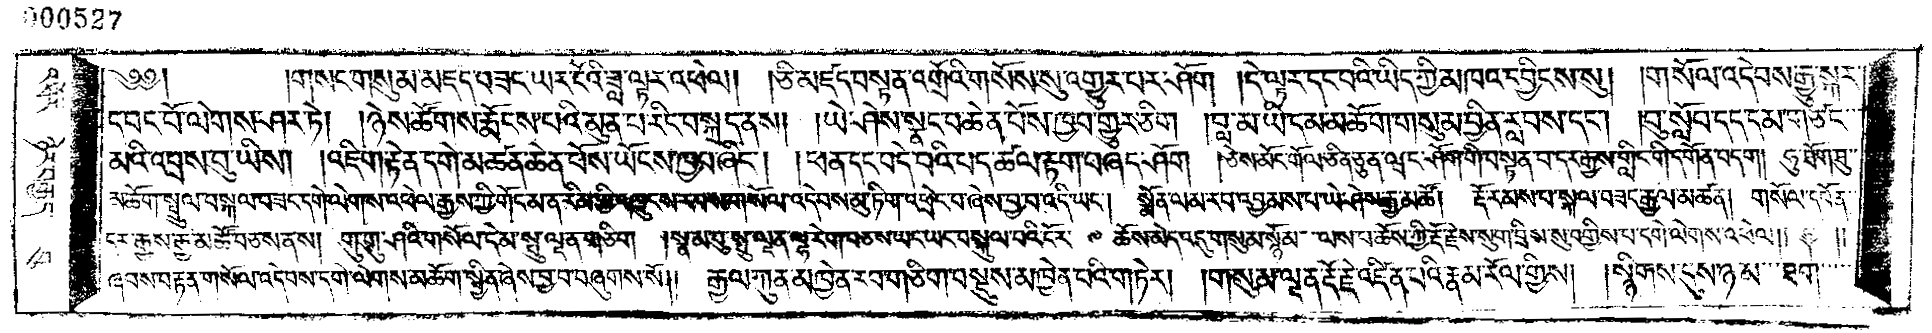༄༅། །གསང་གསུམ་མཛད་བཟང་ཡར་ངོའི་ཟླ་ལྟར་འཕེལ། །ཅི་མཛད་བསྟན་འགྲོའི་གསོས་སུ་འགྱུར་པར་ཤོག །དེ་ལྟར་དང་བའི་ཡིད་ཀྱི་མཁའ་དབྱིངས་སུ། །གསོལ་འདེབས་རྒྱུ་སྐར་
དབང་པོ་ལེགས་ཤར་ཏེ། །ཉེས་ཚོགས་རྨོངས་པའི་མུན་པ་རིང་བསྐྲད་ནས། །ཡེ་ཤེས་སྣང་བ་ཆེན་པོས་ཁྱབ་གྱུར་ཅིག །བླ་མ་ཡི་དམ་མཆོག་གསུམ་བྱིན་རླབས་དང་། །བུ་སློབ་དད་དམ་གཙང་
མའི་འབྲས་བུ་ཡིས། །འཇིག་རྟེན་དགེ་མཚན་ཆེན་པོས་ཡོངས་ཁྱབ་ཞིང་། །ཕན་དང་བདེ་བའི་པད་ཚལ་རྟག་བཞད་ཤོག །ཅེས་མོང་གོལ་ཅིན་ཅུན་ཝང་ཤོག་གི་བསྟན་པ་དར་རྒྱས་གླིང་གི་དགོན་བདག །ཧུ་ཐོག་ཐུ་
མཆོག་སྤྲུལ་བསྐལ་བཟང་དགེ་ལེགས་འཕེལ་རྒྱས་ཀྱི་གོང་མ་ན་རིམ་གྱི་འཁྲུངས་རབས་གསོལ་འདེབས་མུ་ཏིག་འཕྲེང་བ་ཞེས་བྱ་བ་འདི་ཡང་། སྨོན་ལམ་རབ་འབྱམས་པ་ཡེ་ཤེས་རྒྱ་མཚོ། རྡོ་རམས་པ་སྐལ་བཟང་རྒྱལ་མཚན། གསོལ་དཔོན་
དར་རྒྱས་རྒྱ་མཚོ་བཅས་ནས། གུ་གུ་ཤའི་གསོལ་དེམ་སྤུ་ལྡན་གཅིག །སྣམ་བུ་སྤུ་ལྡན་ལྷ་རེག་བཅས་ཡང་ཡང་བསྐུལ་བའི་ངོར་༧་ཆོས་མེད་འདུ་གསུམ་སྙོམ་ལས་པ་ཆོས་ཀྱི་རྡོ་རྗེས་སུག་བྲིས་སུ་བགྱིས་པ་དགེ་ལེགས་འཕེལ།། ༈ །།
ཞབས་བརྟན་གསོལ་འདེབས་དགེ་ལེགས་མཆོག་སྦྱིན་ཞེས་བྱ་བ་བཞུགས་སོ། །རྒྱལ་ཀུན་མཁྱེན་རབ་གཅིག་བསྡུས་མཁྱེན་པའི་གཏེར། །གསུམ་ལྡན་རྡོ་རྗེ་འཛིན་པའི་རྣམ་རོལ་གྱིས། །སྙིགས་དུས་ཉམ་ཐག་